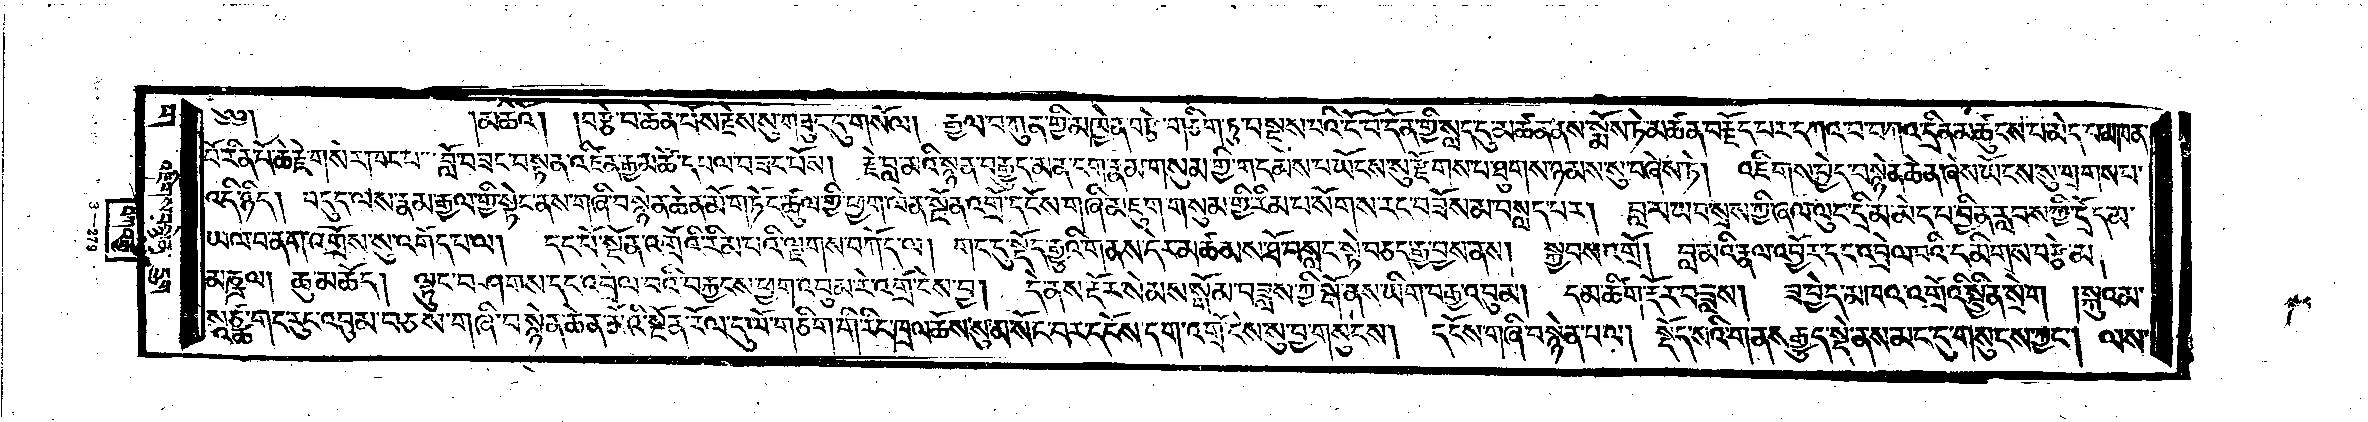༄༅། །མཆིའོ། །བརྩེ་བ་ཆེན་པོས་རྗེས་སུ་གཟུང་དུ་གསོལ། རྒྱལ་བ་ཀུན་གྱི་མཁྱེན་བརྩེ་གཅིག་ཏུ་བསྡུས་པའི་ངོ་བོ་དོན་གྱི་སླད་དུ་མཚན་ནས་སྨོས་ཏེ་མཚན་བརྗོད་པར་དཀའ་བ་བཀའ་དྲིན་མཚུངས་པ་མེད་པ་མཁན་
པོ་རིན་པོ་ཆེ་རྗེ་གསེར་ཁང་པ་བློ་བཟང་བསྟན་འཛིན་རྒྱ་མཚོ་དཔལ་བཟང་པོས། རྗེ་བླ་མའི་སྙན་བརྒྱུད་མན་ངག་རྣམ་གསུམ་གྱི་གདམས་པ་ཡོངས་སུ་རྫོགས་པ་ཐུགས་ཉམས་སུ་བཞེས་ཏེ། འཇིགས་བྱེད་བསྙེན་ཆེན་ཞེས་ཡོངས་སུ་གྲགས་པ་
འདི་ཉིད། བདུད་ལས་རྣམ་རྒྱལ་གྱི་སྟེང་ནས་གཞི་བསྙེན་ཆེན་པོ་གཏོང་ཚུལ་གྱི་ཕྱག་ལེན་སྔོན་འགྲོ་དངོས་གཞི་མཇུག་གསུམ་གྱི་རིམ་པ་སོགས་རང་བཟོས་མ་བསླད་པར། བླ་མ་ཡབ་སྲས་ཀྱི་ཞལ་ལུང་དྲི་མ་མེད་པ་བྱིན་རླབས་ཀྱི་དྲོ་དམ་
ཡལ་བ་ནག་འགྲོས་སུ་འགོད་པ་ལ། དང་པོ་སྔོན་འགྲོའི་རིམ་པ་ལྗགས་བཀོད་ལ། གང་དུ་སྡོད་རྒྱུའི་གནས་དེར་མཚམས་ཐོ་བསླང་སྟེ་བཅད་རྒྱ་བྱས་ནས། སྐྱབས་འགྲོ། བླ་མའི་རྣལ་འབྱོར་དང་འབྲེལ་བའི་དམིགས་བརྩེ་མ།
མཎྜལ། རྒུ་མཆོད། ལྟུང་བཤགས་དང་འབྲེལ་བའི་བརྐྱང་ཕྱག་འབུམ་རེ་འགྲོ་ངེས་བྱ། དེ་ནས་རྡོར་སེམས་སྒོམ་བཟླས་ཀྱི་སྒོ་ནས་ཡིག་བརྒྱ་འབུམ། དམ་ཚིག་རྡོར་བརླབས། ཟླ་བྱེད་མཁས་འགྲོའི་སྦྱིན་སྲེག །སྐུའམ་
སཙྪ་གང་སུང་འབུམ་བཅས་གཞི་བསྙེན་ཆེན་མོའི་སྔོན་རོལ་དུ་ལོ་གཅིག་གི་རིང་ཁྲལ་ཆོས་སུ་མ་སོང་བར་དངོས་དག་འགྲོ་ངེས་སུ་བྱ་གསུངས། དངོས་གཞི་བསྙེན་པ་ལ། སྡོད་སའི་གནས་རྒྱུད་སྡེ་ནས་མང་དུ་གསུངས་ཀྱང་། ལས་